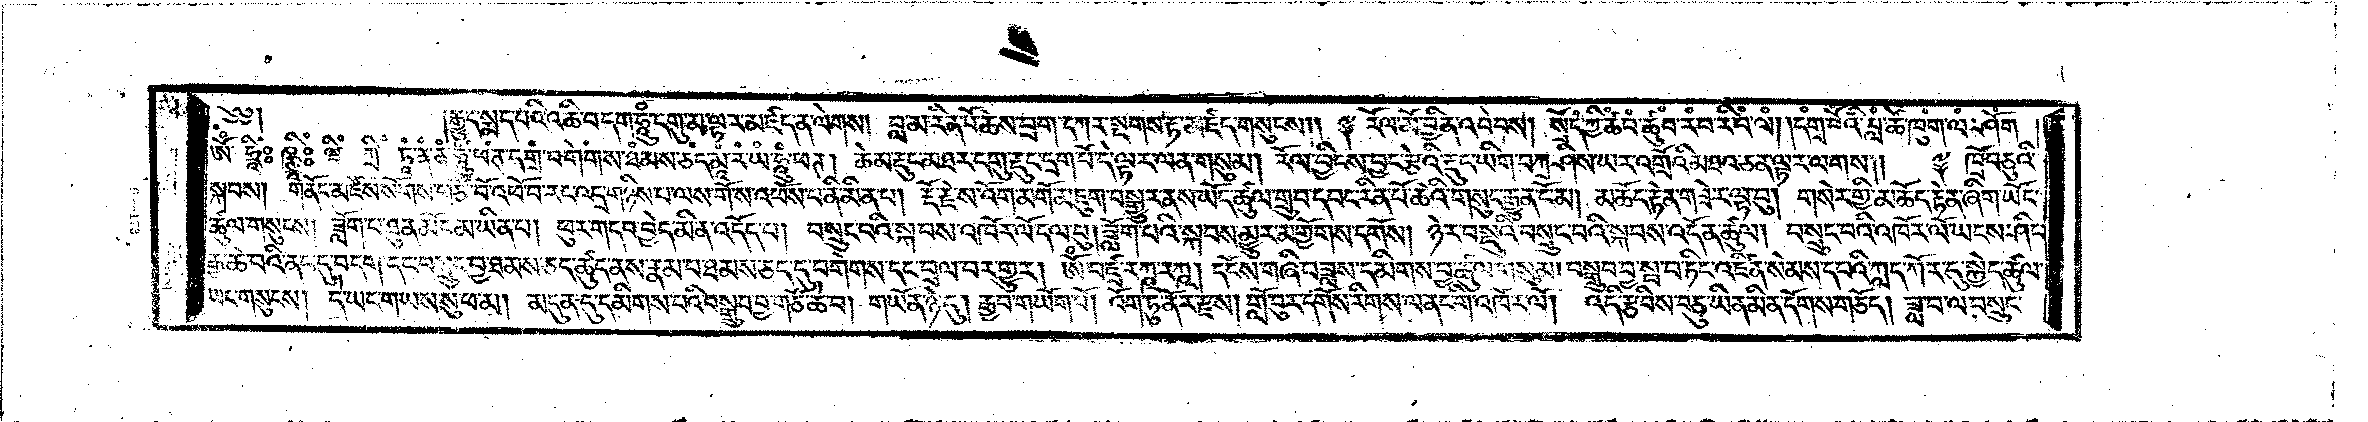༄༅། །རྒྱུད་སྨད་པའི་འཆི་བདག་ཧཱུཾ་དགུ་མ་ལྟར་མཛད་ན་ལེགས། བླ་མ་རིན་པོ་ཆེས་བྲག་དཀར་སྔགས་རྟ་མཛད་གསུངས།། ༈ རོལ་མོ་བྱིན་འབེབས། སྲོདཾ་ཀྱིཾ་ཚབཾ་ཚུབཾ་རབཾ་རིབཾ་ལཾ། དགྲཾ་བོཾའི་བླཾ་ཚེ་ཁུགཾ་ལཾ་ཤོགཾ་།
ཨོཾ་ཧྲཱིཾཿ ཥྚྲཱིཾཿ ཝིཾ་ཀྲིཾ་ཏཱཾ་ནཾ་ནཾ་ཧཱུཾ་ཕཊ་དགྲཾ་བགེགས་ཐམས་ཅདཾ་མཱཾ་རཾ་ཡཾ་ཧཱུཾ་ཕཊ། ཆེ་མ་རྡུང་མཐར་དགུ་རྡུང་དྲག་པོ་དེ་ལྟར་ལན་གསུམ། རོལ་བྱིངས་བྱང་རྩེའི་རྡུང་ཡིག་བཀྲ་ཤིས་ཡར་འགྲོའི་མཐའ་ཅན་ལྟར་ལགས།། ༈ ཁྲོ་བཅུའི་
སྐབས། གནོད་མཛེས་སོགས་གཙོ་བོ་འཕོ་བ་རང་འདྲ་གཉིས་པ་ལས་གོ་ས་འཕོས་པ་ནི་མིན་པ། རྡོ་རྗེ་ས་འོག་མགོ་མཇུག་བསྒྱུར་ནས་ཡོད་ཚུལ་གྲུབ་དབང་རིན་པོ་ཆེའི་གསུང་རྒྱུན་ངོ་མ། མཆོད་རྟེན་གཟེར་ལྟ་བུ། གསེར་གྱི་མཆོད་རྟེན་ཞིག་ཡོང་
ཚུལ་གསུངས། ཟློག་པ་ཐུན་མོང་མ་ཡིན་པ། ཕུར་གདབ་བྱེད་མིན་འདོད་པ། བསྲུང་བའི་སྐབས་འཁོར་ལོ་དལ་བུ། ཟློག་པའི་སྐབས་མྱུར་མགྱོགས་དགོས། ཉེར་བསྡུའི་བསྲུང་བའི་སྐབས་འདོན་ཚུལ། བསྲུང་བའི་འཁོར་ལོ་ཡངས་ཤིང་
རྒྱ་ཆེ་བའི་ནང་དུ་བདག་དང་བསྲུང་བྱ་ཐམས་ཅད་ཚུང་ནས་རྣམ་པ་ཐམས་ཅད་དུ་བགེགས་དང་བྲལ་བར་གྱུར། ཨོཾ་བཛྲ་རཀྵརཀྵ། དངོས་གཞི་བཟླས་དམིགས་བྱ་ཚུལ་གསུམ། བསྒྲུབ་བྱ་སྦ་བ་ཏིང་འཛིན་སེམས་དཔའི་ཀླད་ཀོར་དུ་སྐྱེད་ཚུལ་
ཡང་གསུངས། དེ་ཡང་གཡས་སུ་ཕ་མ། མདུན་དུ་དམིགས་པའི་བསྒྲུབ་བྱ་གཙོ་ཆེ་བ། གཡོན་ཉེ་དུ། རྒྱབ་གཡོག་པོ། འོག་ཏུ་ནོར་རྫས། གློ་བུར་དགོས་རིགས་ལ་ནང་གི་འཁོར་ལོ། འདི་རྩིབས་བཅུ་ཡིན་མིན་དོགས་གཅོད། ཟླ་བ་ལ་བསྲུང་